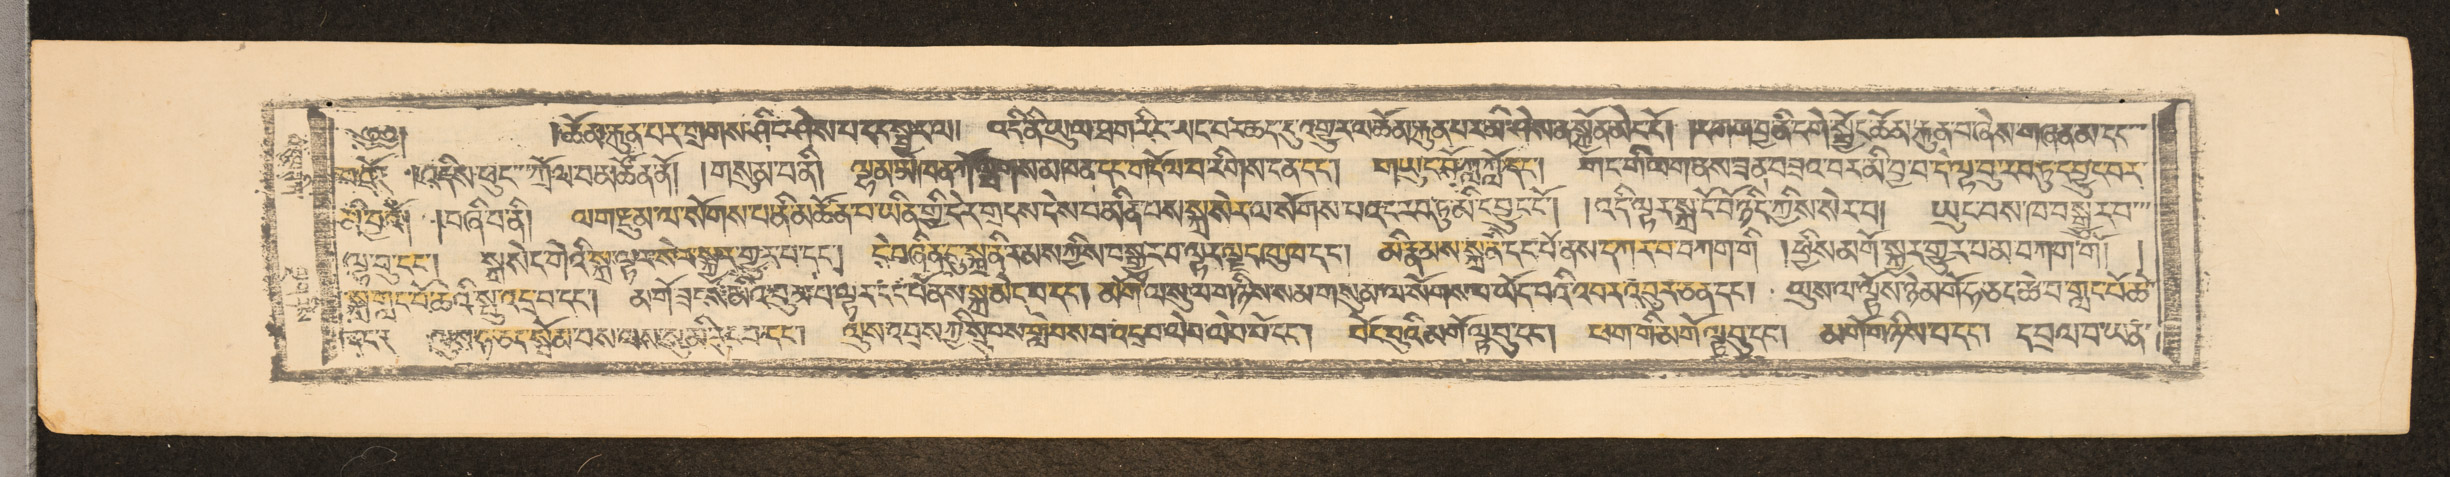༄༅། །ཆོམ་རྐུན་པར་གྲགས་ཤིང་ཤེས་པ་དང་སྦྱར་ལ། འདི་ནི་ཡུལ་ཐག་རིང་ཡང་བར་ཆད་དུ་འགྱུར་ལ་ཆོམ་རྐུན་བར་མི་ཤེས་ན་སྐྱོན་མེད་དོ། །དགག་བྱ་ནི་དགེ་སྦྱོང་ཆོམ་རྐུན་བ་ཞེས་གཞན་མ་དང་
པའོ༑ །འདིས་ཕུང་ཀྲོལ་བ་མཚོན་ནོ། །གསུམ་པ་ནི། ལྷམ་མཁན་ཀོ་ལྤགས་མཁན་དང་གདོལ་པ་རིགས་ངན་དང་། གཡུང་པོ་ཀླ་ཀློ་དང་། གང་གི་ལག་ནས་ཟན་བཟའ་བར་མི་བྱ་བ་དེ་ལྟ་བུ་རབ་ཏུ་དབྱུང་བར་
མི་བྱའོ། །བཞི་པ་ནི། ལག་རྡུམ་ལ་སོགས་པ་ནི་མཚོན་པ་ཡིན་གྱི་དེར་གྲངས་ངེས་བ་མིན་པས་སྐྲ་སེར་ལ་སོགས་པའང་རབ་ཏུ་མི་དབྱུང་ངོ། །འདི་ལྟར་སྐྲ་ངོ་བོ་ཉིད་ཀྱིས་སེར་བ། ཡུང་བས་ཁ་བསྒྱུར་བ་
ལྟ་བུ་དང་། སྐྲ་སེང་གེའི་སྐྲ་ལྟར་སེར་སྐྱར་གྱུར་པ་དང་། དེ་བཞིན་དུ་སྐྲ་ནི་རིམས་ཀྱིས་བསྒྱུར་བ་ལྟར་ལྗང་ཁུ་ཁ་དང་། མི་རྣམས་སྐྲ་ནི་དང་པོ་ནས་དཀར་བ་བཀྲག་གི །ཕྱིས་མགོ་སྐྱར་གྱུར་པ་མ་བཀག་གོ། །
སྐྲ་གླང་པོ་ཆེའི་སྤུ་འདྲ་བ་དང་། མགོ་ཟངས་མའི་བུམ་པ་ལྟར་དང་པོ་ནས་སྐྲ་མེད་པ་དང་། མགོ་ལ་སུལ་གཉིས་སམ་གསུམ་ལ་སོགས་པ་ཡོད་པའི་འབར་འབུར་ཅན་དང་། ལུས་ལ་ལྟོས་ཏེ་མགོ་ཧ་ཅང་ཆེ་བ་གླང་པོ་ཆེ་
དང༑ ལུས་ཧ་ཅང་སྒོམ་པས་ལས་སུ་མི་རུང་བ་དང་། ལུས་འབྲས་ཀྱི་སྲུབས་གླེ་བས་བ་འདྲ་བ་ལེབ་ལེབ་པོ་དང་། བོང་བུའི་མགོ་ལྟ་བུ་དང་། ཕག་གི་མགོ་ལྟ་བུ་དང་། མགོ་གཉིས་པ་དང་། དཔྲལ་བ་ཡན་